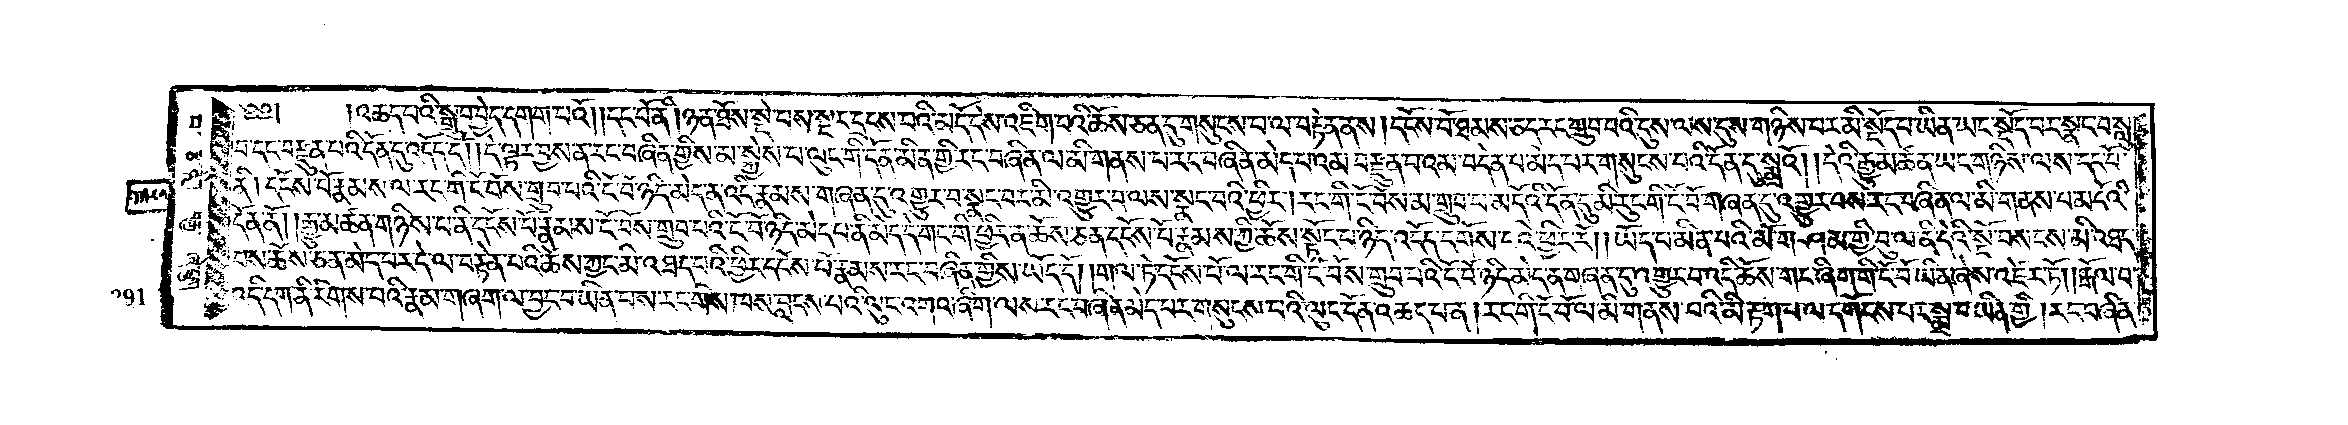༄༅། །འཆད་པའི་སྒྲུབ་བྱེད་དགག་པའོ། །དང་པོ་ནི། ཉན་ཐོས་སྡེ་པས་སྔར་དྲངས་པའི་མདོ་དེས་འཇིག་པའི་ཆོས་ཅན་དུ་གསུངས་པ་ལ་བརྟེན་ནས། དངོས་པོ་ཐམས་ཅད་རང་གྲུབ་པའི་དུས་ལས་དུས་གཉིས་པར་མི་སྡོད་པ་ཡིན་ཡང་སྡོད་པར་སྣང་བ་སླུ་
བ་དང་བརྫུན་པའི་དོན་དུ་འདོད་དོ། །དེ་ལྟར་བྱས་ན་རང་བཞིན་གྱིས་མ་སྐྱེས་པ་ལུང་གི་དོན་མིན་གྱི་རང་བཞིན་ལ་མི་གནས་པ་རང་བཞིན་མེད་པའམ་བརྫུན་པའམ་བདེན་པ་མེད་པར་གསུངས་པའི་དོན་དུ་སྨྲའོ། །དེའི་རྒྱུ་མཚན་ཡང་གཉིས་ལས་དང་པོ་
ནི༑ དངོས་པོ་རྣམས་ལ་རང་གི་ངོ་བོས་གྲུབ་པའི་ངོ་བོ་ཉིད་མེད་ན་འདི་རྣམས་གཞན་དུ་འགྱུར་བ་སྣང་བར་མི་འགྱུར་བ་ལས་སྣང་བའི་ཕྱིར། རང་གི་ངོ་བོས་མ་གྲུབ་པ་མདོའི་དོན་དུ་མི་རུང་གི་ངོ་བོ་གཞན་དུ་འགྱུར་བས་རང་བཞིན་ལ་མི་གནས་པ་མདོའི་
དོན་ནོ། །རྒྱུ་མཚན་གཉིས་པ་ནི་དངོས་པོ་རྣམས་ངོ་བོས་གྲུབ་པའི་ངོ་བོ་ཉིད་མེད་པ་ནི་མེད་དེ་གང་གི་ཕྱིར་ན་ཆོས་ཅན་དངོས་པོ་རྣམས་ཀྱི་ཆོས་སྟོང་པ་ཉིད་འདོད་དགོས་པའི་ཕྱིར་རོ། །ཡོད་པ་མིན་པའི་མོ་གཤམ་གྱི་བུ་ལ་ནི་དེའི་སྔོ་བསངས་མི་འཐད་
པས་ཆོས་ཅན་མེད་པར་དེ་ལ་བརྟེན་པའི་ཆོས་ཀྱང་མི་འཐད་པའི་ཕྱིར་དངོས་པོ་རྣམས་རང་བཞིན་གྱིས་ཡོད་དོ། །གལ་ཏེ་དངོས་པོ་ལ་རང་གི་ངོ་བོས་གྲུབ་པའི་ངོ་བོ་ཉིད་མེད་ན་གཞན་དུ་འགྱུར་བ་འདི་ཆོས་གང་ཞིག་གི་ངོ་བོ་ཡིན་ཞེས་འཛེར་ཏོ། །རྒོལ་བ་
འདི་དག་ནི་རིགས་པའི་རྣམ་གཞག་ལ་བྱང་བ་ཡིན་པས་རང་གིས་ཁས་བླངས་པའི་ལུང་འགའ་ཞིག་ལས་རང་བཞིན་མེད་པར་གསུངས་པའི་ལུང་དོན་འཆད་པ་ན། རང་གི་ངོ་བོ་ལ་མི་གནས་པའི་མི་རྟག་པ་ལ་དགོངས་པར་སྨྲ་བ་ཡིན་གྱི། རང་བཞིན་